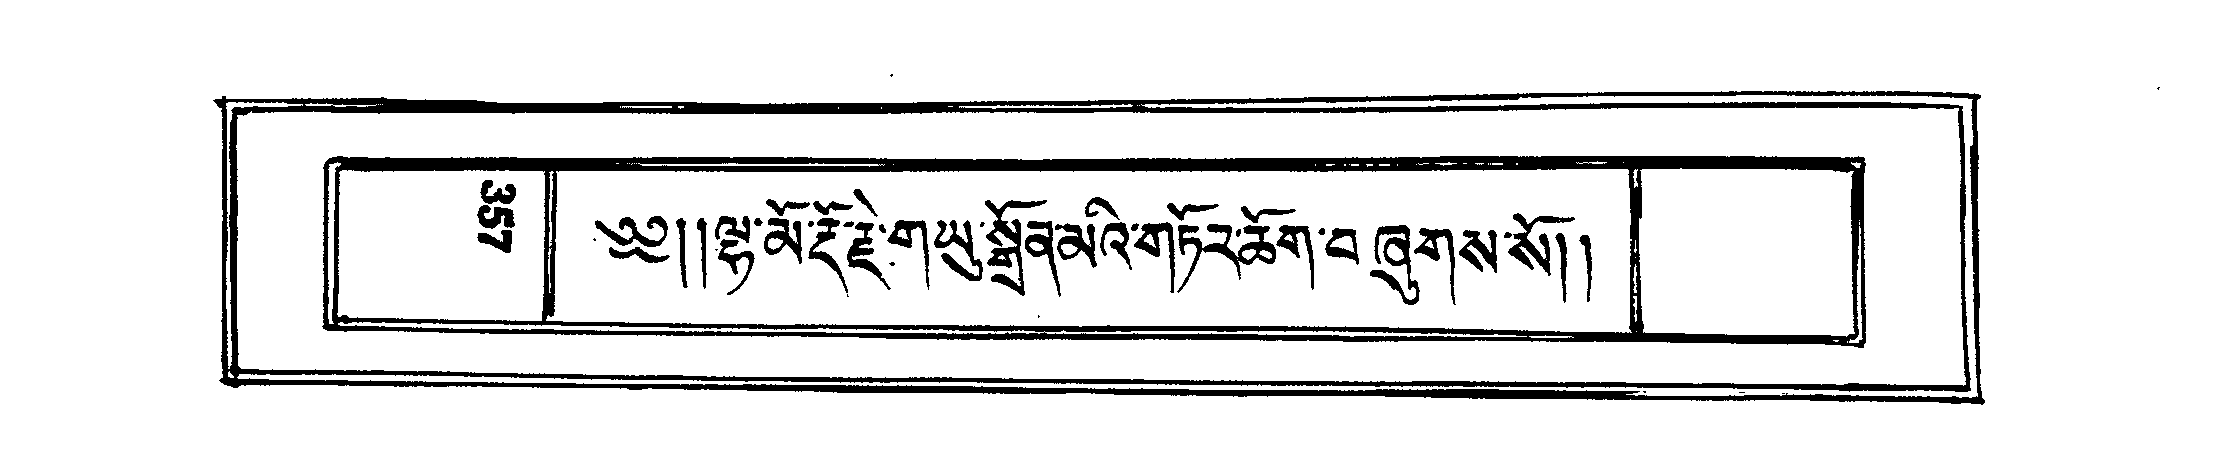༄༅། །ལྷ་མོ་རྡོ་རྗེ་གཡུ་སྒྲོན་མའི་གཏོར་ཆོག་བཞུགས་སོ།།